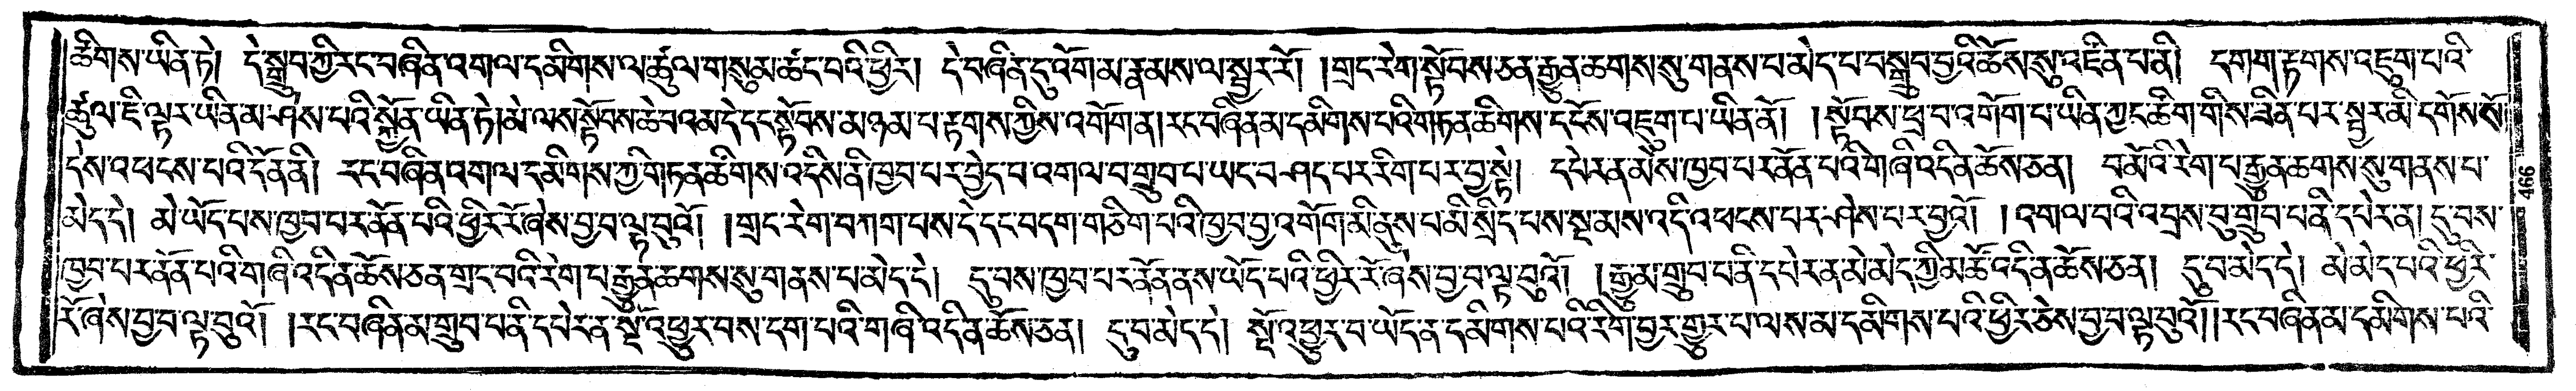ཚིགས་ཡིན་ཏེ། དེ་སྒྲུབ་ཀྱི་རང་བཞིན་འགལ་དམིགས་ལ་ཚུལ་གསུམ་ཚང་བའི་ཕྱིར། དེ་བཞིན་དུ་འོག་མ་རྣམས་ལ་སྦྱར་རོ། །གྲང་རེག་སྟོབས་ཅན་རྒྱུན་ཆགས་སུ་གནས་པ་མེད་པ་བསྒྲུབ་བྱའི་ཆོས་སུ་འཛིན་པ་ནི། དགག་རྟགས་འཇུག་པའི་
ཚུལ་ཇི་ལྟར་ཡིན་མ་ཤེས་པའི་སྐྱོན་ཡིན་ཏེ། མེ་ལས་སྟོབས་ཆེ་བའམ་དེ་དང་སྟོབས་མཉམ་པ་རྟགས་ཀྱིས་འགོག་ན། རང་བཞིན་མ་དམིགས་པའི་གཏན་ཚིགས་དངོས་འཇུག་པ་ཡིན་ནོ། །སྟོབས་ཕྲ་བ་འགོག་པ་ཡིན་ཀྱང་ཚིག་གིས་ཟིན་པར་སྦྱར་མི་དགོས་སོ།
དེས་འཕངས་པའི་དོན་ནི། རང་བཞིན་འགལ་དམིགས་ཀྱི་གཏན་ཚིགས་འདིས་ནི་ཁྱབ་པར་བྱེད་པ་འགལ་བ་གྲུབ་པ་ཡང་བཤད་པར་རིག་པར་བྱ་སྟེ། དཔེར་ན་མེས་ཁྱབ་པར་ནོན་པའི་གཞི་འདི་ན་ཆོས་ཅན། བ་མོའི་རེག་པ་རྒྱུན་ཆགས་སུ་གནས་པ་
མེད་དེ། མེ་ཡོད་པས་ཁྱབ་པར་ནོན་པའི་ཕྱིར་རོ་ཞེས་བྱ་བ་ལྟ་བུའོ། །གྲང་རེག་བཀག་པས་དེ་དང་བདག་གཅིག་པའི་ཁྱབ་བྱ་འགོག་མི་ནུས་པ་མི་སྲིད་པས་སྔ་མས་འདི་འཕངས་པར་ཤེས་པར་བྱའོ། །འགལ་བའི་འབྲས་བུ་གྲུབ་པ་ནི་དཔེར་ན། དུ་བས་
ཁྱབ་པར་ནོན་པའི་གཞི་འདི་ན་ཆོས་ཅན་གྲང་བའི་རེག་པ་རྒྱུན་ཆགས་སུ་གནས་པ་མེད་དེ། དུ་བས་ཁྱབ་པར་ནོན་ནས་ཡོད་པའི་ཕྱིར་རོ་ཞེས་བྱ་བ་ལྟ་བུའོ། །རྒྱུ་མ་གྲུབ་པ་ནི་དཔེར་ན་མེ་མེད་ཀྱི་མཚོ་འདི་ན་ཆོས་ཅན། དུ་བ་མེད་དེ། མེ་མེད་པའི་ཕྱིར་
རོ་ཞེས་བྱ་བ་ལྟ་བུའོ། །རང་བཞིན་མ་གྲུབ་པ་ནི་དཔེར་ན་སྔོ་འཕྱུར་བས་དག་པའི་གཞི་འདི་ན་ཆོས་ཅན། དུ་བ་མེད་དེ། སྔོ་འཕྱུར་བ་ཡོད་ན་དམིགས་པའི་རིག་བྱར་གྱུར་པ་ལས་མ་དམིགས་པའི་ཕྱིར་ཅེས་བྱ་བ་ལྟ་བུའོ། །རང་བཞིན་མ་དམིགས་པའི་